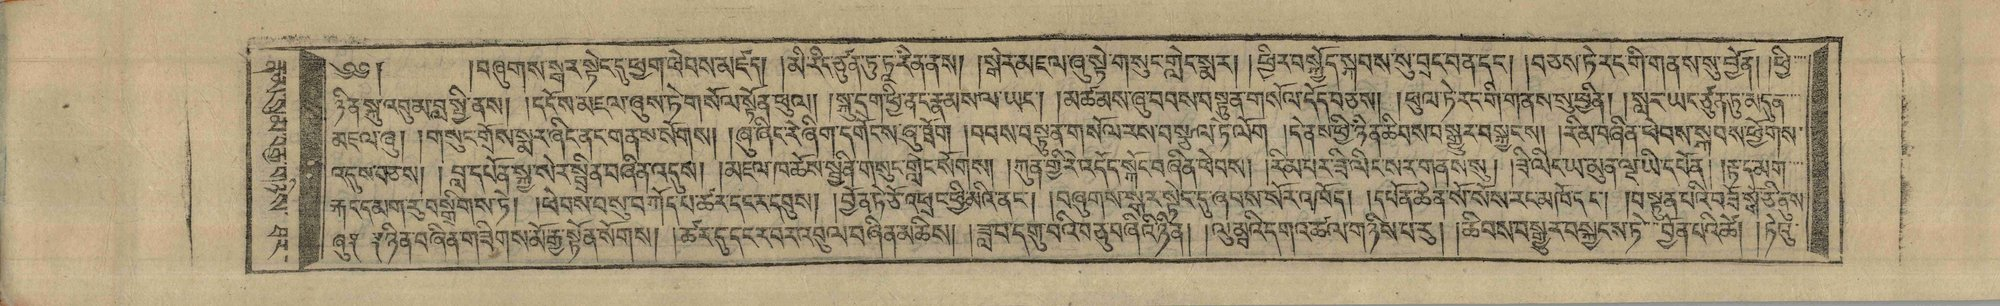༄༅། །བཞུགས་སྒར་སྟེང་དུ་ཕྱག་ཕེབས་མཛད། །མི་རིང་ཙུན་ཏུ་ཏཱ་རིན་ནས། །སྒེར་མཇལ་ཞུ་སྟེ་གསུང་གླེང་སྨར། །ཕྱིར་བསྐྱོད་སྐབས་སུ་བྲང་བན་དང་། །བཅས་ཏེ་རང་གི་གནས་སུ་བྱོན། །ཕྱི་
ཉིན་སྐུ་འབུམ་བླ་སྤྱི་ནས། །དངོས་མཇལ་ཞུས་ཏེ་གསོལ་སྟོན་ཕུལ། །སྐུ་དྲག་ཕྱི་ནང་རྣམས་ལ་ཡང་། །མཚམས་ཞུ་བབས་བསྟུན་གསོལ་དོད་བཅས། །ཕུལ་ཏེ་རང་གི་གནས་སུ་ཕྱིན། །སླར་ཡང་ཙུན་ཏུ་མདུན་
མཇལ་ཞུ། །གསུང་གྲོས་སྨར་ཞིང་ནང་གནས་སོགས། །ཞུ་ཞིང་རེ་ཞིག་དགོངས་ཞུ་ཐོབ། །བབས་བསྟུན་གསོལ་རས་བསྩལ་ཏེ་ལོག །དེ་ནས་ཕྱི་ཉིན་ཆིབས་བསྒྱུར་བསྐྱངས། །རིམ་བཞིན་ཕེབས་སྐབས་ཕྱོགས་
འདུས་བཅས། །བླ་དཔོན་སྐྱ་སེར་སྦྲིན་བཞིན་འདུས། །མཇལ་ཁ་ཆོས་སྦྱིན་གསུང་གླེང་སོགས། །ཀུན་གྱི་རེ་འདོད་སྐོང་བཞིན་ཕེབས། །རིམ་པར་ཟི་ལིང་སར་གནས་སུ། །ཟི་ལིང་ཡ་མུན་ལྔ་ཡི་དཔོན། །རྟ་དམག་
རྐང་དམག་རུ་བསྒྲིགས་ཏེ། །ཕེབས་བསུ་བཀོད་པ་ཚར་དངར་དབུས། །བྱོན་ཏེ་ཅོ་འཕྲང་ཕྱི་མའི་ནང་། །བཞུགས་སྒར་སྟེང་དུ་ཞབས་སོར་འཁོད། །དཔོན་ཆེན་སོ་སོས་རང་མཁོ་དང་། །བསྟུན་པའི་བཟོ་སྒོ་ཅི་ནུས་
ཞུ༑ ༑ཉིན་བཞིན་གཟིགས་མོ་རྒྱ་སྟོན་སོགས། །ཚར་དུ་དངར་བར་འབུལ་བཞིན་མཆིས། །ཟླ་བ་དགུ་པའི་བཅུ་བཞིའི་ཉིན། །ལུམྦའི་དགའ་ཚལ་གཉིས་པ་རུ། །ཆིབས་བསྒྱུར་བསྐྱངས་ཏེ་བྱོན་པའི་ཚེ། །ཏེའུ་